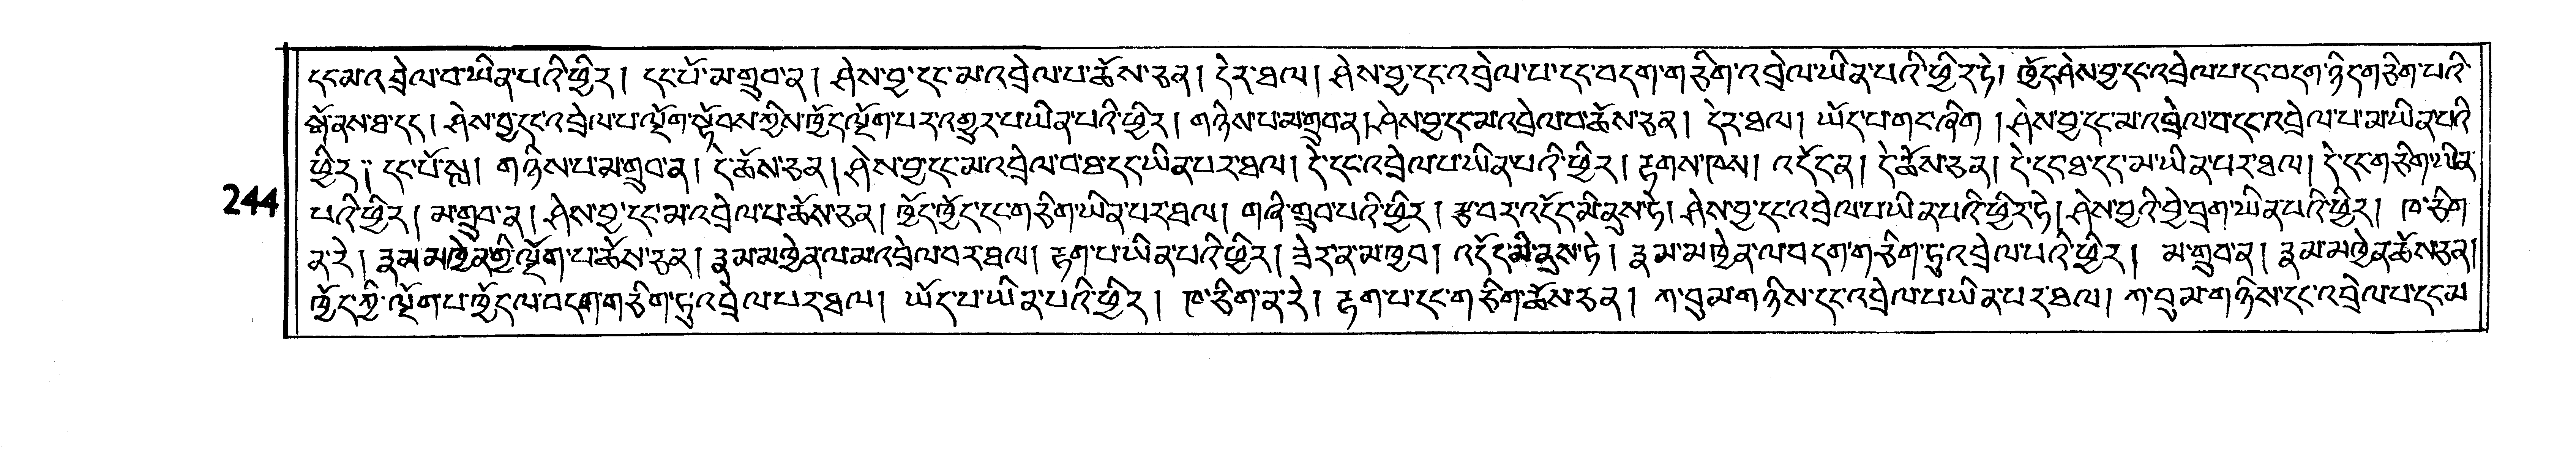དང་མ་འབྲེལ་བ་ཡིན་པའི་ཕྱིར། དང་པོ་མ་གྲུབ་ན། ཤེས་བྱ་དང་མ་འབྲེལ་པ་ཆོས་ཅན། དེར་ཐལ། ཤེས་བྱ་དང་འབྲེལ་པ་དང་བདག་གཅིག་འབྲེལ་ཡིན་པའི་ཕྱིར་ཏེ། ཁྱོད་ཤེས་བྱ་དང་འབྲེལ་པ་དང་བདག་ཉིད་གཅིག་པའི་
སྒོ་ནས་ཐ་དད། ཤེས་བྱ་དང་འབྲེལ་པ་ལྡོག་སྟོབས་ཀྱིས་ཁྱོད་ལྡོག་པར་འགྱུར་པ་ཡིན་པའི་ཕྱིར། གཉིས་པ་མ་གྲུབ་ན། ཤེས་བྱ་དང་མ་འབྲེལ་བ་ཆོས་ཅན། དེར་ཐལ། ཡོད་པ་གང་ཞིག །ཤེས་བྱ་དང་མ་འབྲེལ་བ་དང་འབྲེལ་པ་མ་ཡིན་པའི་
ཕྱིར༑ དང་པོ་སླ། གཉིས་པ་མ་གྲུབ་ན། དེ་ཆོས་ཅན། ཤེས་བྱ་དང་མ་འབྲེལ་བ་ཐ་དད་ཡིན་པར་ཐལ། དེ་དང་འབྲེལ་བ་ཡིན་པའི་ཕྱིར། རྟགས་ཁས། འདོད་ན། དེ་ཆོས་ཅན། དེ་དང་ཐ་དད་མ་ཡིན་པར་ཐལ། དེ་དང་གཅིག་ཡིན་
པའི་ཕྱིར། མ་གྲུབ་ན། ཤེས་བྱ་དང་མ་འབྲེལ་པ་ཆོས་ཅན། ཁྱོད་ཁྱོད་དང་གཅིག་ཡིན་པར་ཐལ། གཞི་གྲུབ་པའི་ཕྱིར། རྩ་བར་འདོད་མི་ནུས་ཏེ། ཤེས་བྱ་དང་འབྲེལ་པ་ཡིན་པའི་ཕྱིར་ཏེ། ཤེས་བྱའི་བྱེ་བྲག་ཡིན་པའི་ཕྱིར། ཁ་ཅིག་
ན་རེ། རྣམ་མཁྱེན་གྱི་ལྡོག་པ་ཆོས་ཅན། རྣམ་མཁྱེན་ལ་མ་འབྲེལ་བར་ཐལ། རྟག་པ་ཡིན་པའི་ཕྱིར། ཟེར་ན་མ་ཁྱབ། འདོད་མི་ནུས་ཏེ། རྣམ་མཁྱེན་ལ་བདག་གཅིག་ཏུ་འབྲེལ་པའི་ཕྱིར། མ་གྲུབ་ན། རྣམ་མཁྱེན་ཆོས་ཅན་
ཁྱོད་ཀྱི་ལྡོག་པ་ཁྱོད་ལ་བདག་གཅིག་ཏུ་འབྲེལ་པར་ཐལ། ཡོད་པ་ཡིན་པའི་ཕྱིར། ཁ་ཅིག་ན་རེ། རྟག་པ་དང་གཅིག་ཆོས་ཅན། ཀ་བུམ་གཉིས་དང་འབྲེལ་པ་ཡིན་པར་ཐལ། ཀ་བུམ་གཉིས་དང་འབྲེལ་པ་དང་མ་